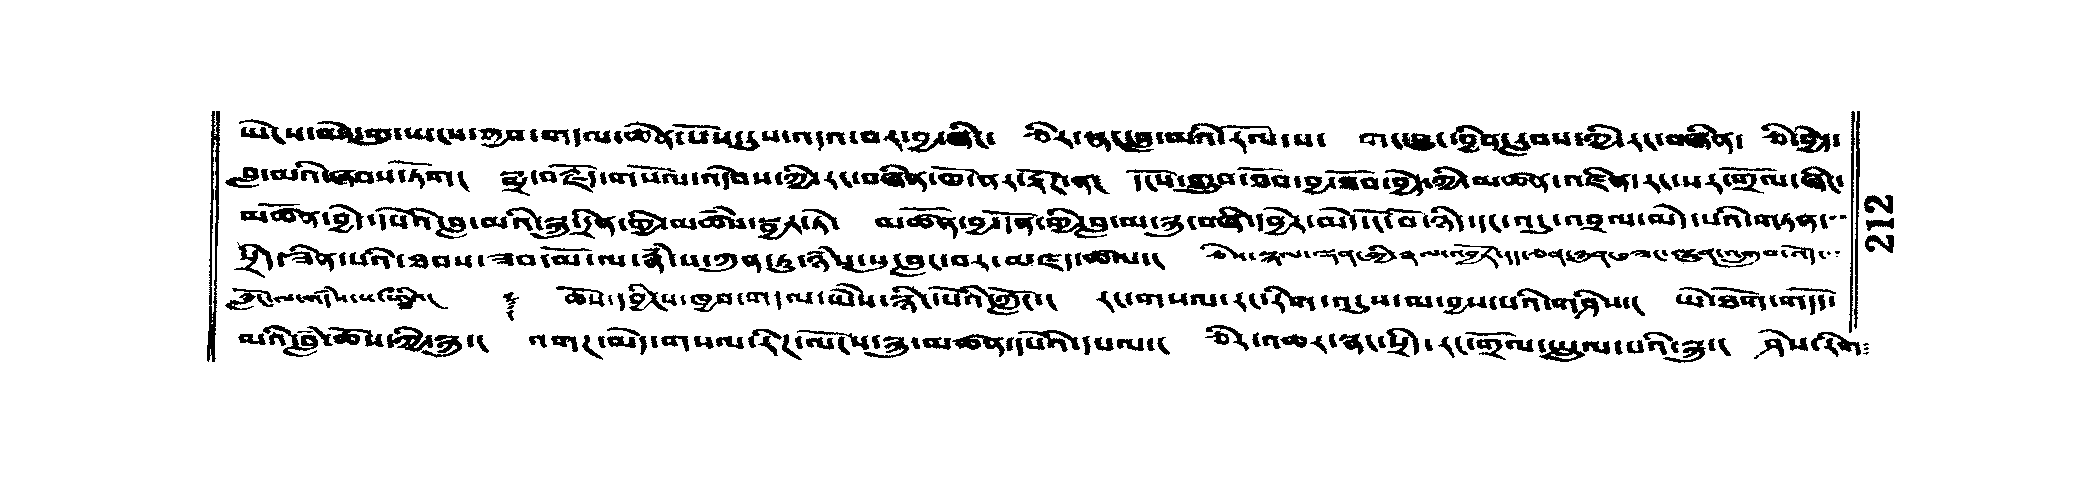ཡེངས་མེད་གུ་ཡངས་ཁྱབ་གདལ་ཆེན་པོས་དུས་འདའ་བར་བྱ་ཞིང་།ཅིར་སྣང་བླ་མའི་རོལ་པ། གང་བྱུང་བྱིན་རླབས་ཀྱི་རང་བཞིན། ཅི་བྱེད་
བླ་མའི་ཞབས་ཏོག སྨྲ་བརྗོད་གསོལ་འདེབས་ཀྱི་རང་བཞིན་ཁོ་ནར་རྟོགས་ན། དངོས་གྲུབ་ཐོབ་བྱ་ཐོབ་བྱེད་ཀྱི་མཚན་འཛིན་རང་སར་གྲོལ་ཞིང་། 
མཚོན་བྱེད་དཔེའི་བླ་མའི་སྐུ་དྲིན་གྱི་མཚམས་སྦྱར་ཏེ། མཚོན་བྱ་དོན་གྱི་བླ་མ་སྐུ་བཞི་དབྱེར་མེད་ངོ་བོ་ཉིད་དང་འདུ་འབྲལ་མེད་པའི་གཏན་
སྲིད་ཟིན་པའི་ཐབས་ཟབ་མོ་ལ་རྣམ་པ་ཀུན་ཏུ་ཉམས་སུ་བླང་བར་མཛད་འཚལ། ཅེས་སྐལ་ལྡན་གྱི་རྣལ་འབྱོར་དད་ཅན་ཀུན་བཟང་ལྷུན་གྲུབ་འོད་
ཀློང་ལ་གདམས་པ་།། ༈ ཆོས་དབྱིངས་ཁྱབ་གདལ་ཡེ་ཤེས་སྙིང་པོའི་ཀློང་། །རང་གསལ་རང་རིག་འདུས་མ་བྱས་པའི་གཤིས། །ཡེ་ཐོག་གདོད་
མའི་བླ་མ་ཆོས་ཀྱི་སྐུ། །འགགས་མེད་གསལ་རིགས་ལོངས་སྐུ་མཚན་དཔེའི་དཔལ། །ཅིར་འཆར་སྣང་སྲིད་རང་གྲོལ་སྤྲུལ་པའི་སྐུ། །ཤེས་རིག་